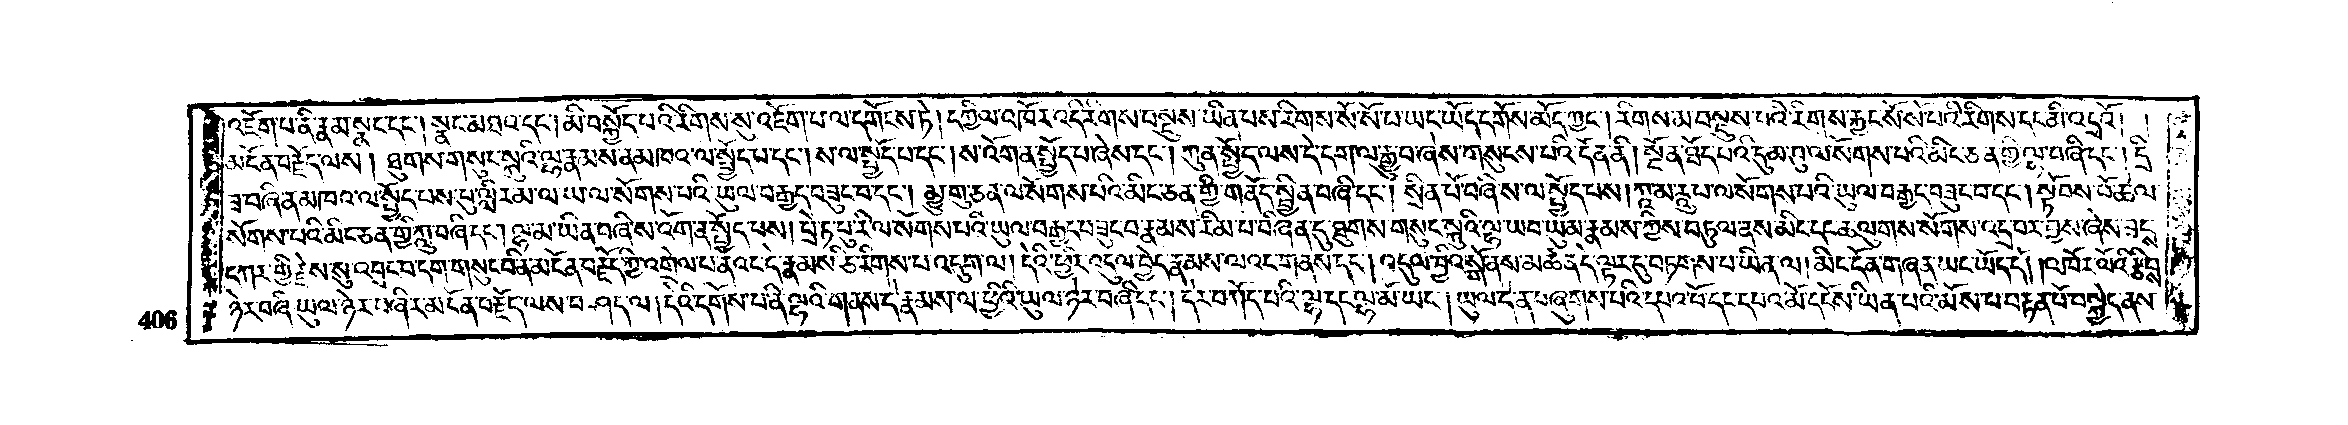འཇོག་པ་ནི་རྣམ་སྣང་དང་། སྣང་མཐའ་དང་། མི་བསྐྱོད་པའི་རིགས་སུ་འཇོག་པ་ལ་དགོངས་ཏེ། དཀྱིལ་འཁོར་འདི་རིགས་བསྡུས་ཡིན་པས་རིགས་སོ་སོ་བ་ཡང་ཡོད་དགོས་མོད་ཀྱང་། རིགས་མ་བསྡུས་པའི་རིགས་རྐྱང་སོ་སོ་པའི་རིགས་དང་མི་འདྲའོ། །
མངོན་བརྗོད་ལས། ཐུགས་གསུང་སྐུའི་ལྷ་རྣམས་ནམ་མཁའ་ལ་སྤྱོད་པ་དང་། ས་ལ་སྤྱོད་པ་དང་། ས་འོག་ན་སྤྱོད་པ་ཞེས་དང་། ཀུན་སྤྱོད་ལས་དེ་དག་ལ་རྒྱུ་བ་ཞེས་གསུངས་པའི་དོན་ནི། སྔོན་ཐོད་པའི་དུམ་བུ་ལ་སོགས་པའི་མིང་ཅན་གྱི་ལྷ་བཞི་དང་། དྲི་
ཟ་བཞིན་ནམ་མཁའ་ལ་སྤྱོད་པས་པུ་ལླིར་མ་ལ་ཡ་ལ་སོགས་པའི་ཡུལ་བརྒྱད་བཟུང་བ་དང་། མྱུ་གུ་ཅན་ལ་སོགས་པའི་མིང་ཅན་གྱི་གནོད་སྦྱིན་བཞི་དང་། སྲིན་པོ་བཞི་ས་ལ་སྤྱོད་པས། ཀཱ་མ་རཱུ་པ་ལ་སོགས་པའི་ཡུལ་བརྒྱད་བཟུང་བ་དང་། སྟོབས་པོ་ཆེ་ལ་
སོགས་པའི་མིང་ཅན་གྱི་ཀླུ་བཞི་དང་། ལྷ་མ་ཡིན་བཞི་ས་འོག་ན་སྤྱོད་པས། པྲེ་ཏ་པུ་རི་ལ་སོགས་པའི་ཡུལ་བརྒྱད་བཟུང་བ་རྣམས་རིམ་པ་བཞིན་དུ་ཐུགས་གསུང་སྐུའི་ལྷ་ཡབ་ཡུམ་རྣམས་ཀྱིས་བཏུལ་ནས་མིང་དང་ཆ་ལུགས་སོགས་འདྲ་བར་བྱས་ཞེས་ཟངས་
དཀར་གྱི་རྗེས་སུ་འབྲང་བ་དག་གསུང་བ་ནི་མངོན་བརྗོད་ཀྱི་འགྲེལ་པ་ནའང་དེ་རྣམས་ཅི་རིགས་པ་འདུག་ལ། དེའི་ཕྱིར་འདུལ་བྱེད་རྣམས་ལའང་གནས་དང་། འདུལ་བྱའི་སྒོ་ནས་མཚན་དེ་ལྟར་དུ་བཏགས་པ་ཡིན་ལ། མིང་དོན་གཞན་ཡང་ཡོད་དོ། །འཁོར་ལོའི་རྩིགས་
ཉེར་བཞི་ཡུལ་ཉེར་བཞིར་མངོན་བརྗོད་ལས་བཤད་ལ། དེའི་དགོས་པ་ནི་ལྷའི་གནས་དེ་རྣམས་ལ་ཕྱིའི་ཡུལ་ཉེར་བཞི་དང་། དེར་བཀོད་པའི་ལྷ་དང་ལྷ་མོ་ཡང་། ཡུལ་དེ་ན་བཞུགས་པའི་དཔའ་བོ་དང་དཔའ་མོ་དངོས་ཡིན་པའི་མོས་པ་བརྟན་པོ་བསྐྱེད་ནས་